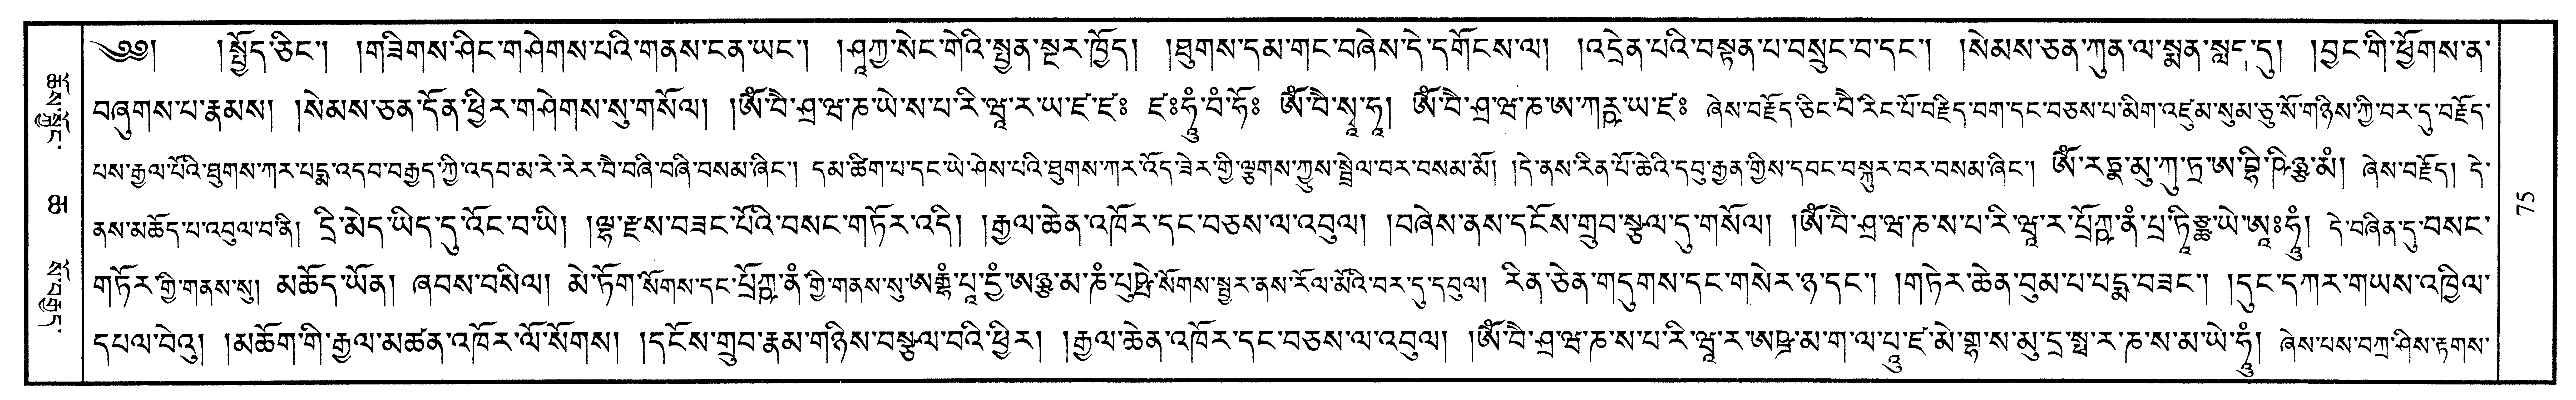༄༅། །སྤྱོད་ཅིང་། །གཟིགས་ཤིང་གཤེགས་པའི་གནས་ངན་ཡང་། །ཤཱཀྱ་སེང་གེའི་སྤྱན་སྔར་ཁྱོད། །ཐུགས་དམ་གང་བཞེས་དེ་དགོངས་ལ། །འདྲེན་པའི་བསྟན་པ་བསྲུང་བ་དང་། །སེམས་ཅན་ཀུན་ལ་སྨན་སླད་དུ། །བྱང་གི་ཕྱོགས་ན་
བཞུགས་པ་རྣམས། །སེམས་ཅན་དོན་ཕྱིར་གཤེགས་སུ་གསོལ། །ཨོཾ་བཻ་ཤྲ་ཝ་ཎ་ཡེ་ས་པ་རི་ཝཱ་ར་ཡ་ཛ་ཛཿ ཛཿ ཧཱུཾ་བཾ་ཧོཿ ཨོཾ་བཻ་སྭཱ་ཧཱ། ཨོཾ་བཻ་ཤྲ་ཝ་ཎ་ཨ་ཀརྵ་ཡ་ཛཿ ཞེས་བརྗོད་ཅིང་བཻ་རིང་པོ་བརྗིད་བག་དང་བཅས་པ་མིག་འཛུམ་སུམ་ཅུ་སོ་གཉིས་ཀྱི་བར་དུ་བརྗོད་
པས་རྒྱལ་པོའི་ཐུགས་ཀར་པདམ་འདབ་བརྒྱད་ཀྱི་འདབ་མ་རེ་རེར་བཻ་བཞི་བཞི་བསམ་ཞིང་། དམ་ཚིག་པ་དང་ཡེ་ཤེས་པའི་ཐུགས་ཀར་འོད་ཟེར་གྱི་ལྕགས་ཀྱུས་སྦྲེལ་བར་བསམ་མོ། །དེ་ནས་རིན་པོ་ཆེའི་དབུ་རྒྱན་གྱིས་དབང་བསྐུར་བར་བསམ་ཞིང་། ཨོཾ་རཏྣ་མུ་ཀུ་ཏྲ་ཨ་བྷི་ཥིཉྩ་མཾ། ཞེས་བརྗོད། དེ་
ནས་མཆོད་པ་འབུལ་བ་ནི། དྲི་མེད་ཡིད་དུ་འོང་བ་ཡི། །ལྷ་རྫས་བཟང་པོའི་བསང་གཏོར་འདི། །རྒྱལ་ཆེན་འཁོར་དང་བཅས་ལ་འབུལ། །བཞེས་ནས་དངོས་གྲུབ་སྩལ་དུ་གསོལ། །ཨོཾ་བཻ་ཤྲ་ཝ་ཎ་ས་པ་རི་ཝཱ་ར་པྲོཀྵ་ནཾ་པྲ་ཏཱིཙྪ་ཡེ་ཨཱཿ ཧཱུཾ། དེ་བཞིན་དུ་བསང་
གཏོར་གྱི་གནས་སུ། མཆོད་ཡོན། ཞབས་བསིལ། མེ་ཏོག་སོགས་དང་པྲོཀྵ་ནཾ་གྱི་གནས་སུ་ཨརྒྷཾ་པཱ་དྱཾ་ཨཉྩ་མ་ཎཾ་པུཥྤེ་སོགས་སྦྱར་ནས་རོལ་མོའི་བར་དུ་དབུལ། རིན་ཅེན་གདུགས་དང་གསེར་ཉ་དང་། །གཏེར་ཆེན་བུམ་པ་པདམ་བཟང་། །དུང་དཀར་གཡས་འཁྱིལ་
དཔལ་བེའུ། །མཆོག་གི་རྒྱལ་མཚན་འཁོར་ལོ་སོགས། །དངོས་གྲུབ་རྣམ་གཉིས་བསྩལ་བའི་ཕྱིར། །རྒྱལ་ཆེན་འཁོར་དང་བཅས་ལ་འབུལ། །ཨོཾ་བཻ་ཤྲ་ཝ་ཎ་ས་པ་རི་ཝཱ་ར་ཨཥྜ་མ་ག་ལ་པཱུ་ཛ་མེ་གྷ་ས་མུ་དྲ་སྥ་ར་ཎ་ས་མ་ཡེ་ཧཱུཾ། ཞེས་པས་བཀྲ་ཤིས་རྟགས་